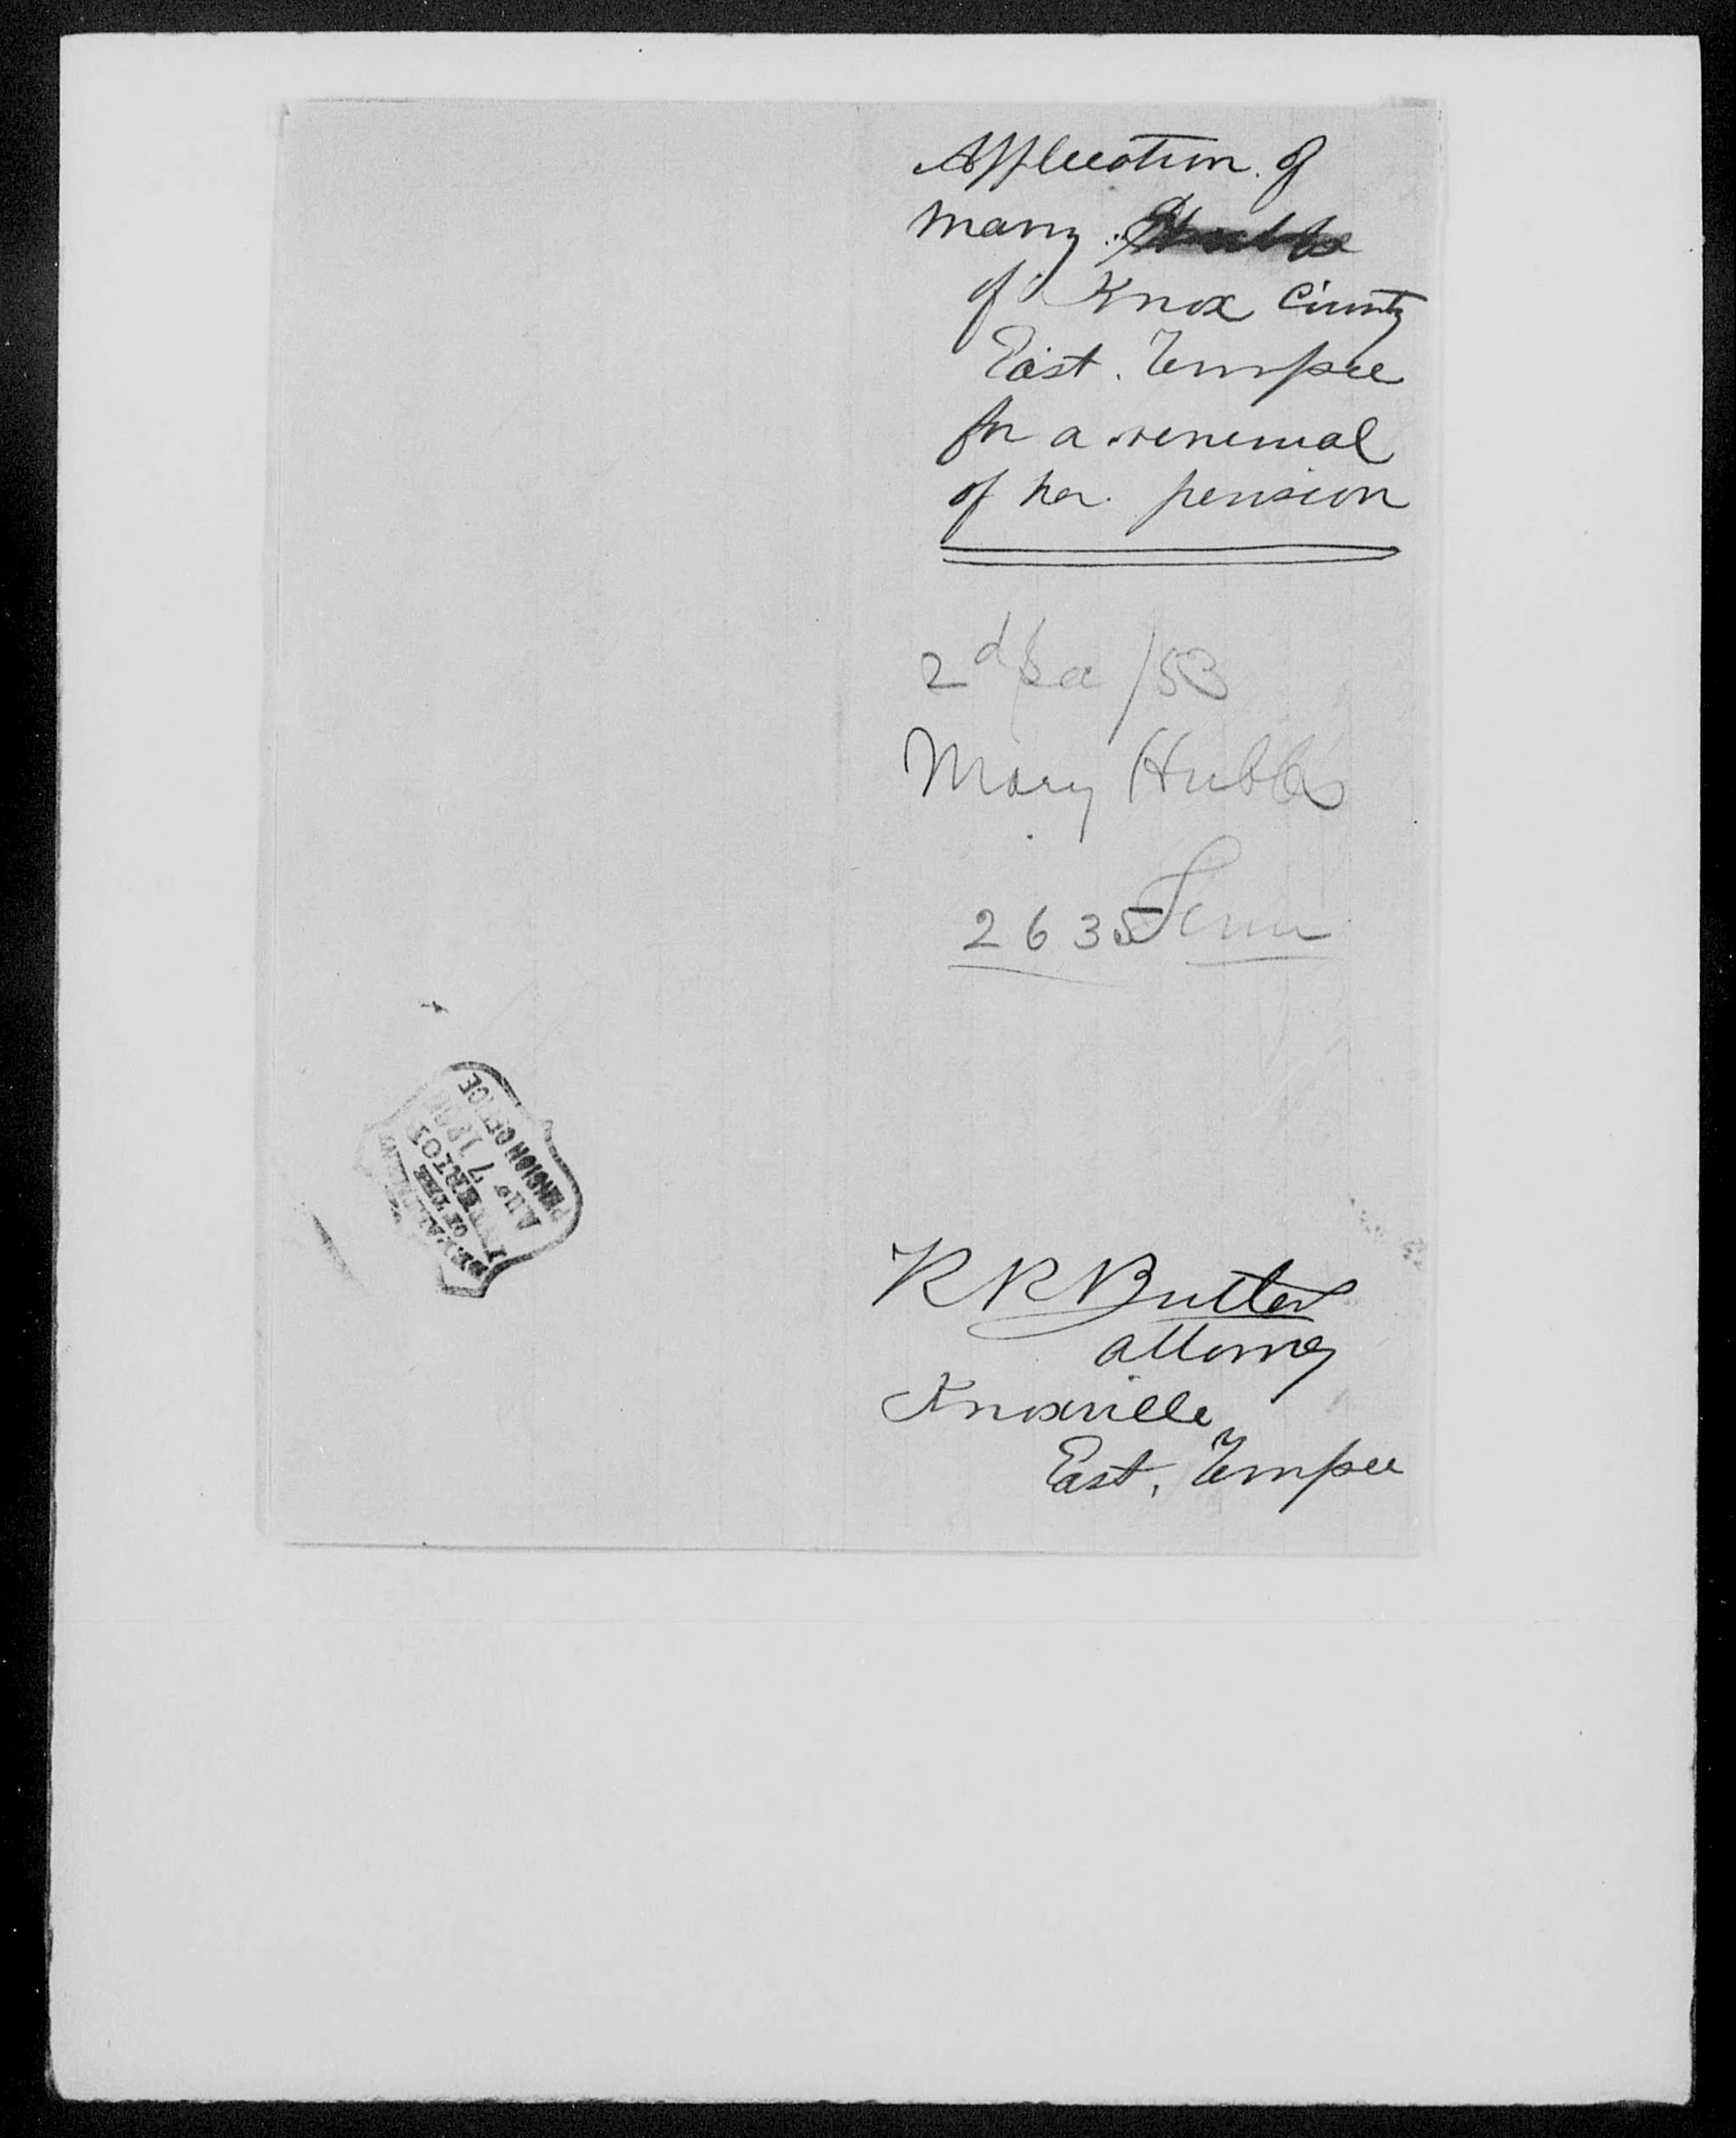Application of Mary Hubbs
of Knox County East Tennessee
for a renewal of her pension
------------------------
2d Dec/53
Mary Hubbs
2635 Tenn
------------------
R.R. Butler
Attorney
Knoxville
East Tennessee
------------
Shield shaped stamp-DEPARTMENT OF THE INTERIOR - Aug 7 1853 - PENSION OFFICE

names: Mary Hubbs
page: 78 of 86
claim: widow's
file: W. 1035, John Hubbs, S.C.